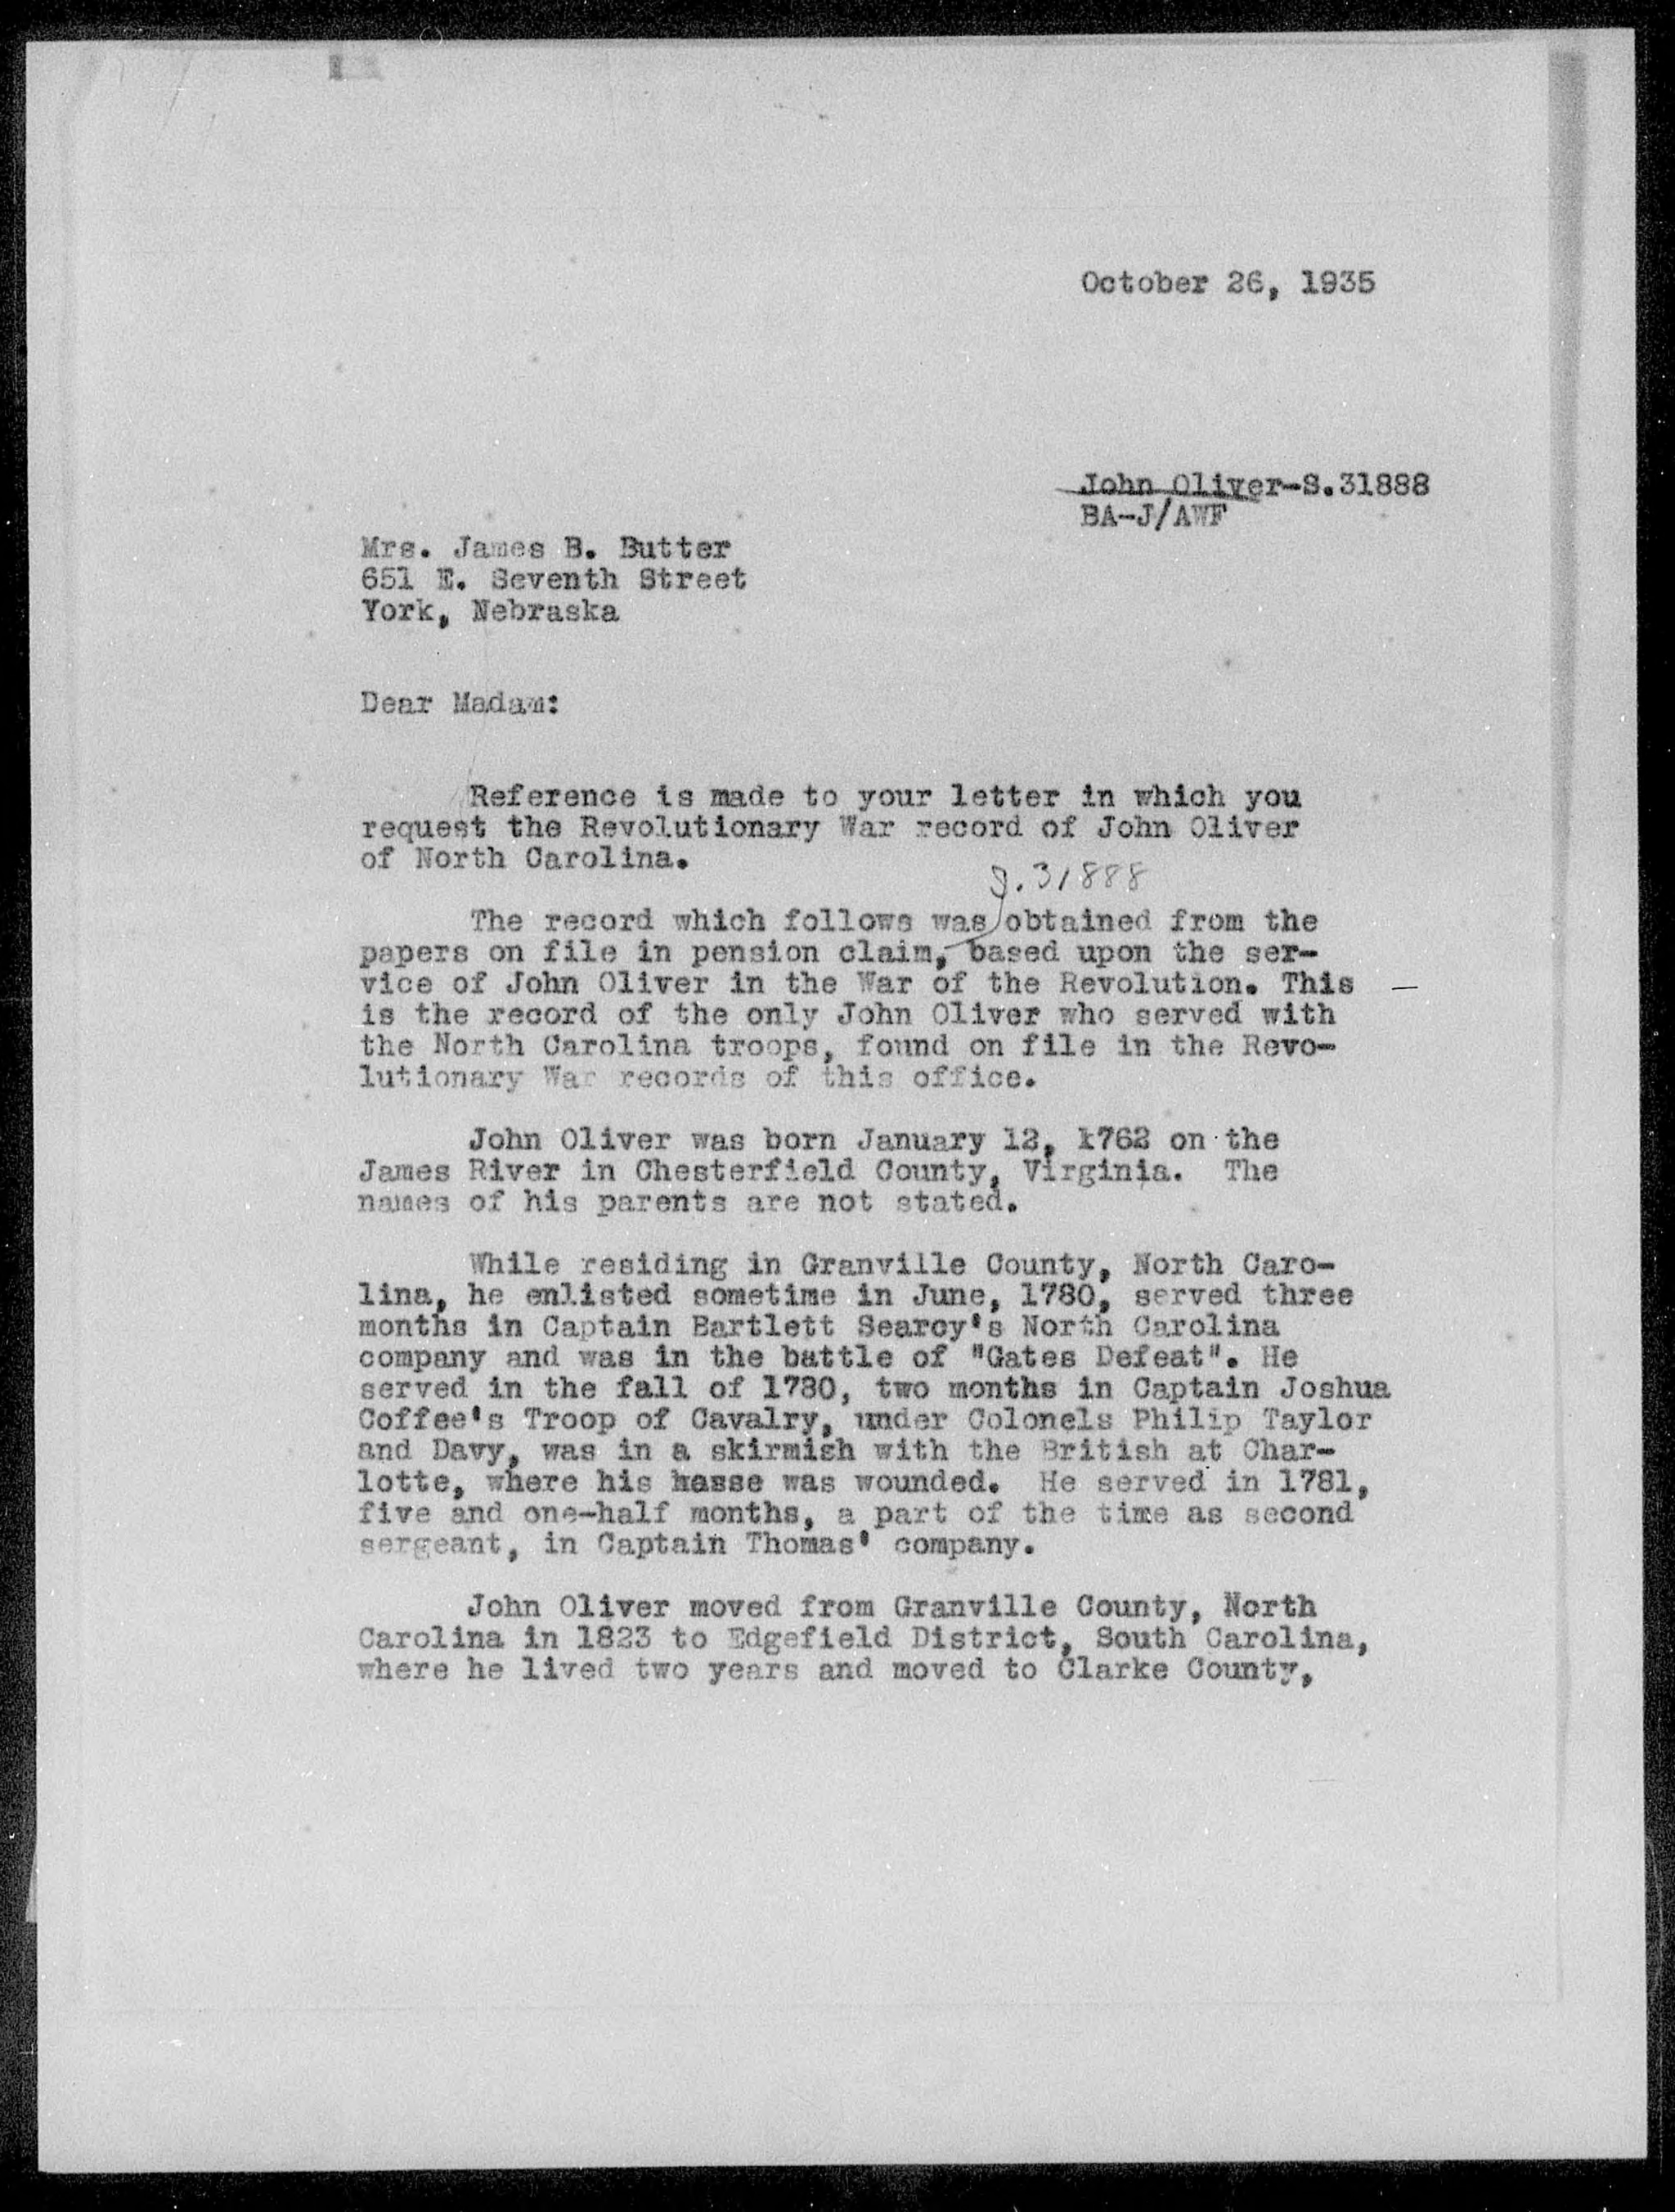John Oliver - S.31888
                            BA-J/AWF

Mrs. James B. Butter 
651 E. Seventy Street
York, Nebraska

Dear Madam:
     Reference is made to your letter in which you request the Revolutionary War record of john Oliver of North Carolina.
     The record which follows was obtained from the papers on file in pension claim S.31888, based upon the service of John Oliver in the War of the Revolution.  This is the record of the only John Oliver who served with the North Carolina troops, found on file in the Revolutionary War records of this office.
     John Oliver was born January 12, 1762 on the James River in Chesterfield County, Virginia.  The names of his parents are not stated.
     While residing in Granville County, North Carolina, he enlisted sometime in June, 1780, served three months in Captain Bartlett Searcy's North Carolina company and was in the battle of "Gates Defeat".  He served in the fall of 1780, two months in Captain Joshua coffee's Troop of Cavalry, under Colonels Philip Taylor and Davy, was in a skirmish with the British at Charlotte, where his horse was wounded.  He served in 1781, give and one-half months, a part of the time as second sergeant, in Captain Thomas' company.
     John Oliver moved from Granville County, North Carolina in 1823 to Edgefield District, South Carolina, where he lived two years and moved to Clarke County,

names: James B Butter; Philip Davy; Joshua Coffee; Philip Taylor; John Oliver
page: 8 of 32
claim: survivor's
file: S. 31888, for John Oliver, North Carolina